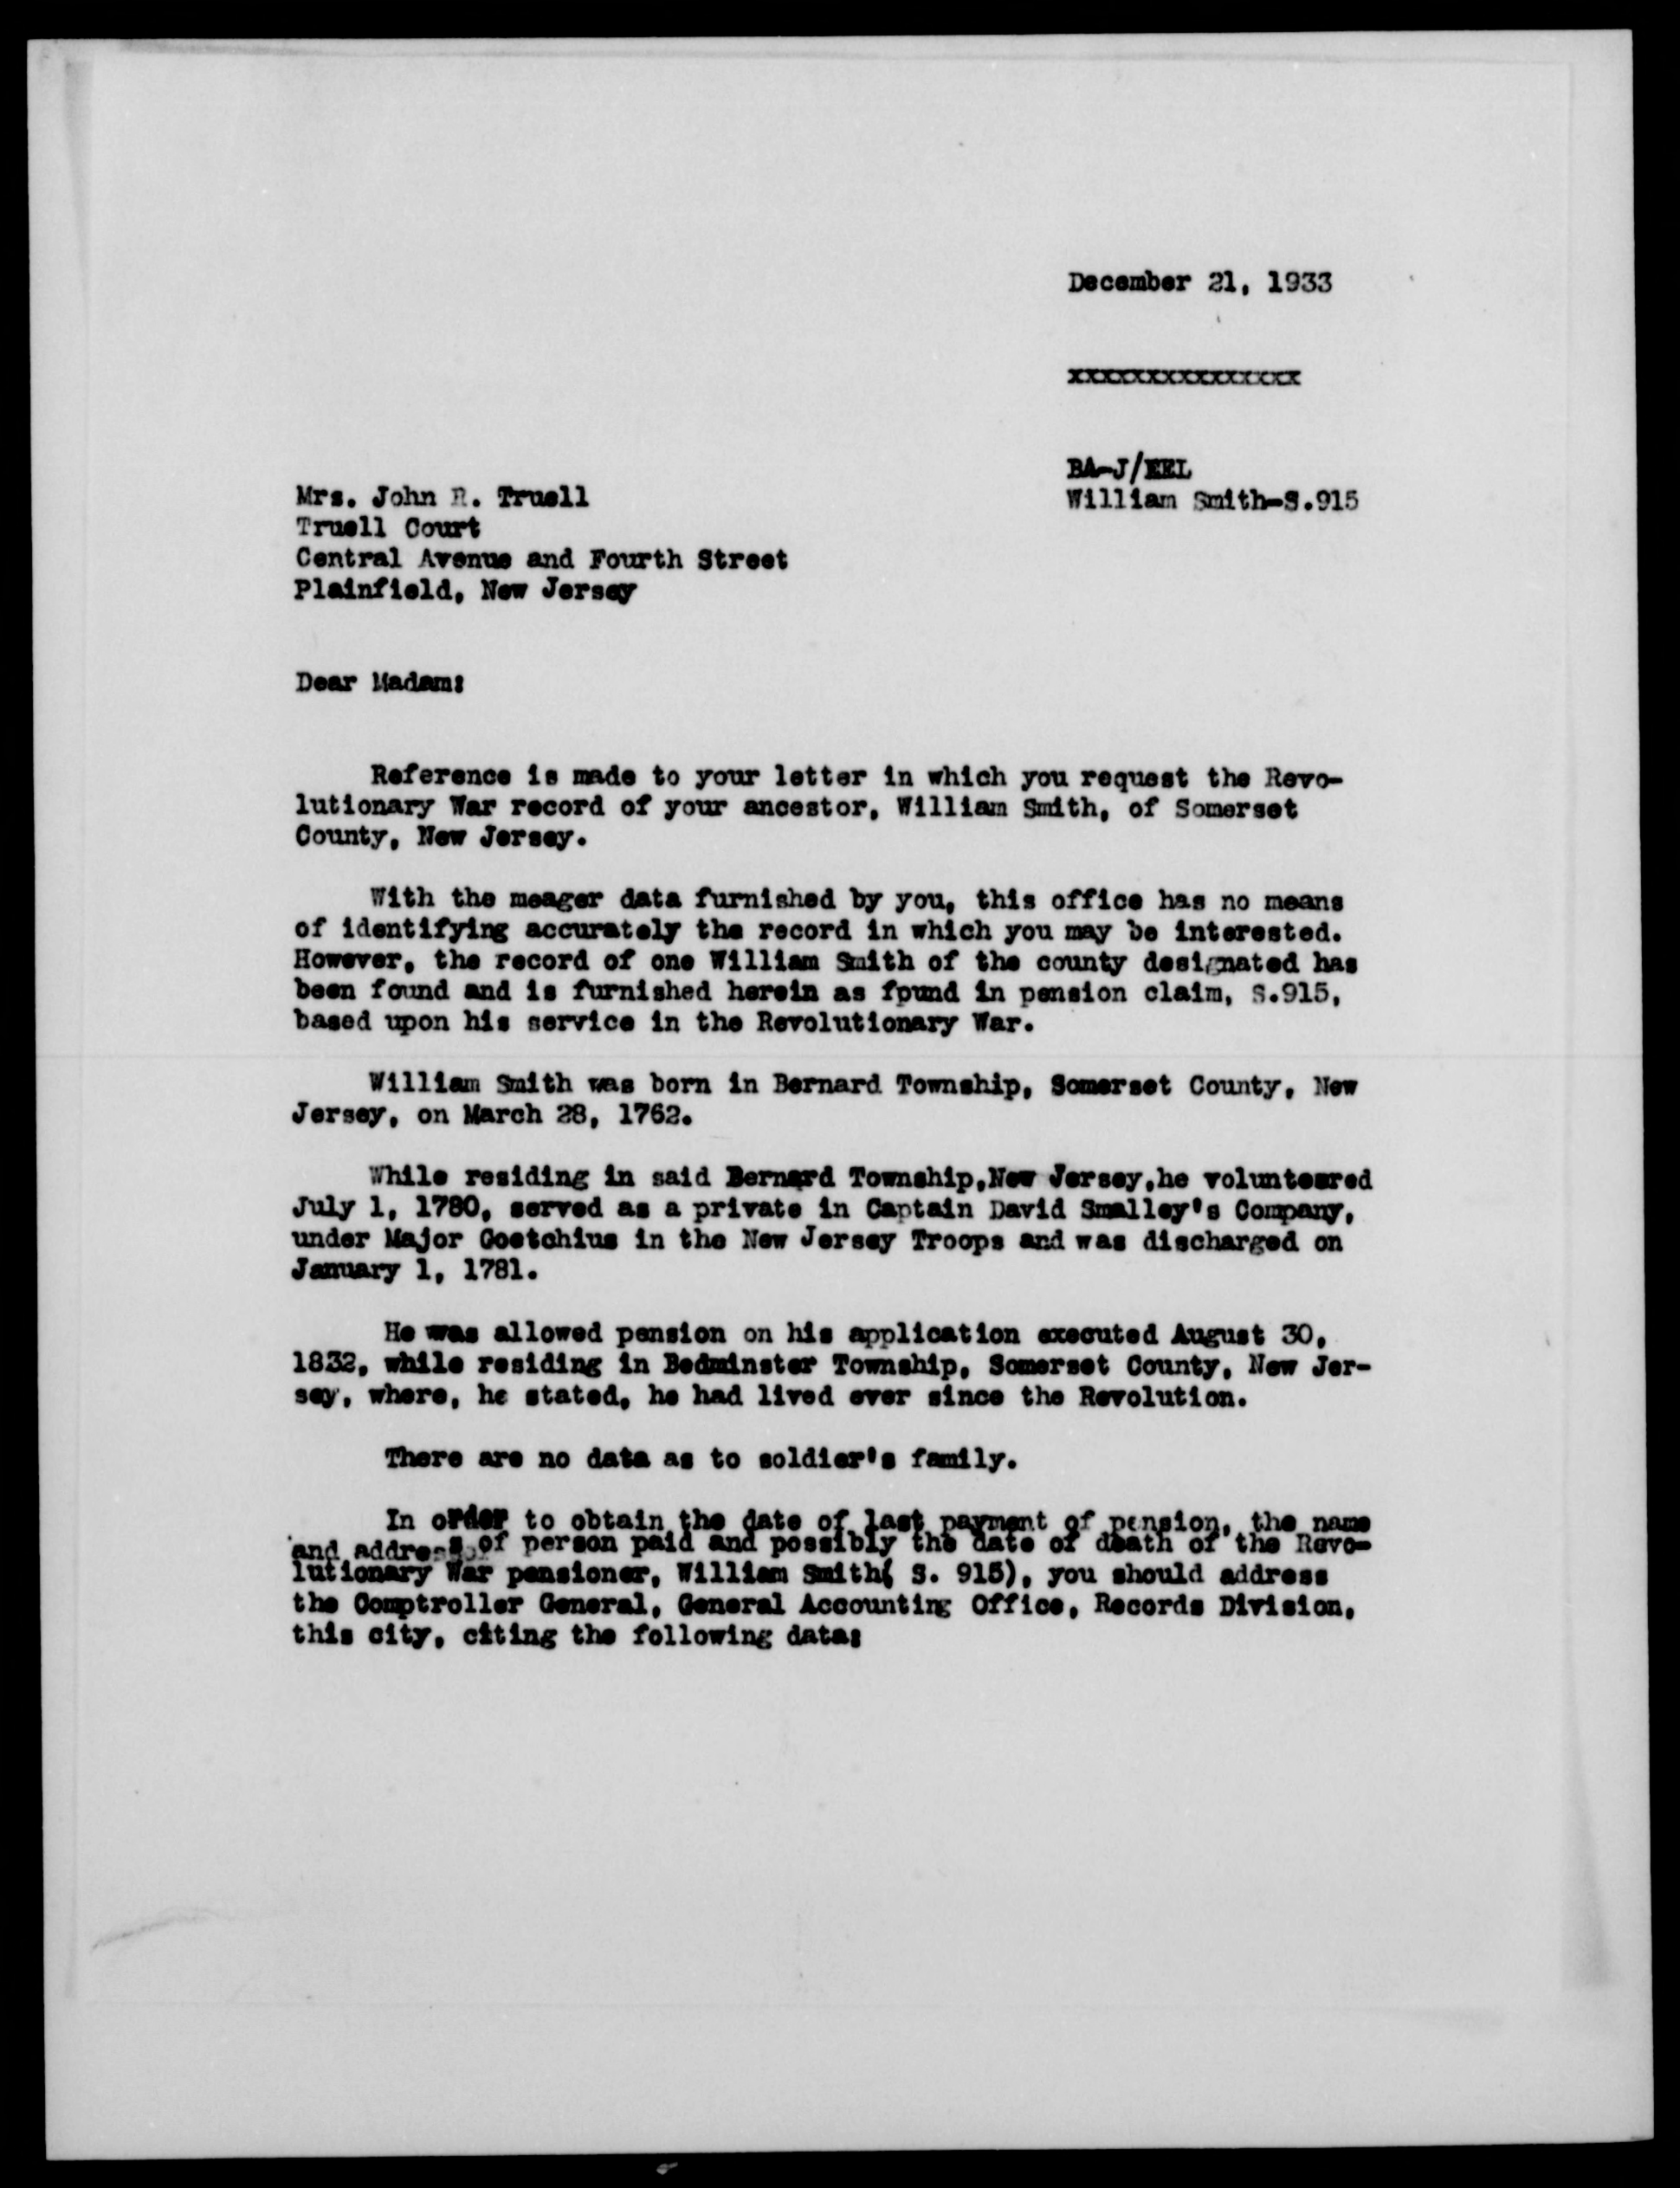December 21, 1933
XXXXXXXXXXXXXXX
BA-J/REL
William Smith-S.915

Mrs. John R. Truell
Truell Court
Central Avenue and Fourth Street
Plainfield, New Jersey

Dear Madam:

Reference is made to your letter in which you request the Revolutionary
War record of your ancestor, William Smith, of Somerset
County, New Jersey.

With the meager data furnished by you, this office has no means
of identifying accurately the record in which you may be interested.
However, the record of one William Smith of the county designated has
been found and is furnished herein as found in pension claim, S.915,
based upon his service in the Revolutionary War.

William Smith was born in Bernard Township, Somerset County, New 
Jersey, on March 28, 1762.

While residing in said Bernard Township, New Jersey, he volunteered
July 1, 1780, served as a private in Captain David Smalley's Company,
under Major Goetchius in the New Jersey Troops and was discharged on
January 1, 1781.

He was allowed pension on his application executed August 30,
1832, while residing in Bedminster Township, Somerset County, New 
Jersey, where, he stated, he had lived ever since the Revolution.

There are no data as to soldier's family.

In order to obtain the date of last payment of pension, the name
and address of person paid and possibly the date of death of the Revolutionary
War pensioner, William Smith, S. 915), you should address
the Comptroller General, General Accounting Office, Records Division,
this city citing the following data:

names: [BLANK] Goetchius; William Smith; William Smith; William Smith; William Smith; William Smith; John R Truell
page: 24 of 27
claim: survivor's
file: S. 915, for William Smith, New Jersey